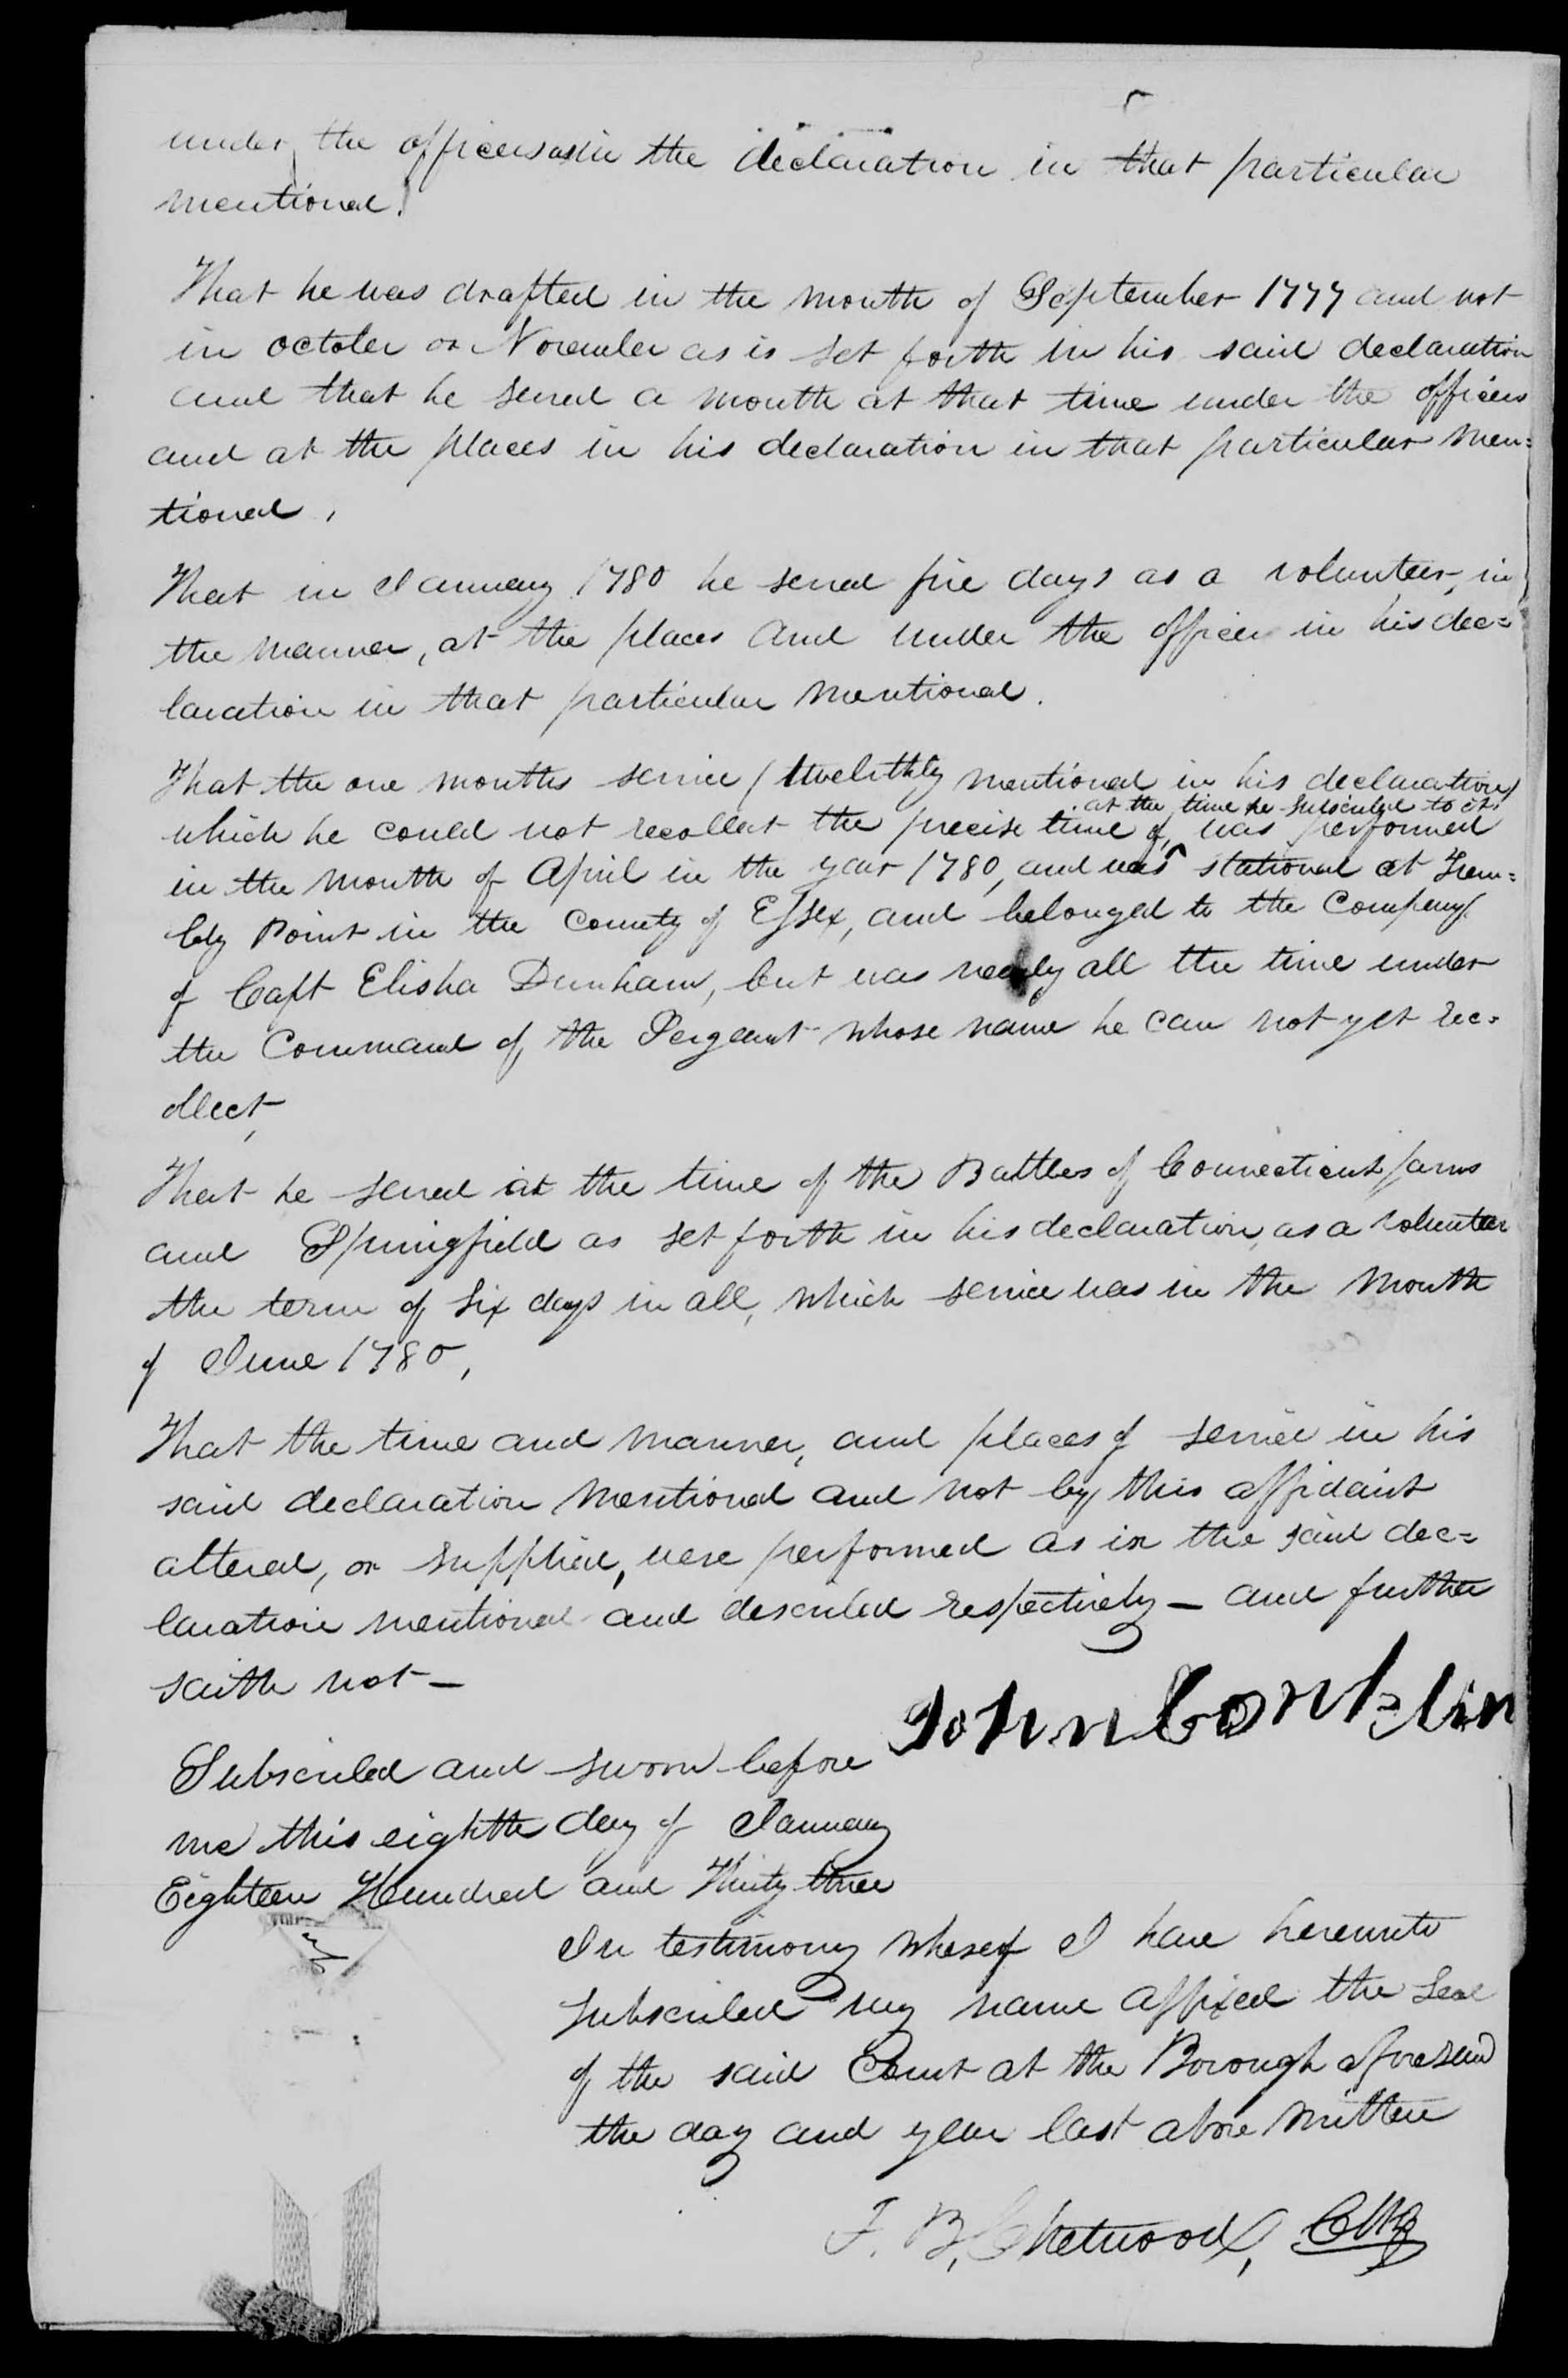under the officers in the declaration in that particular
mentioned
That he was drafted in the month of September 1777 and not
in October or November as is set forth in his said declaration
and that he served a month at that time under the officers
and at the places in his declaration in that particular mentioned,
That in January 1780 he served five days as a volunteer in
the manner, at the places and under the officer in his
declaration in that particular mentioned
That the one months service (twelvthly mentioned in his declaration
which he could not recollect the precise time & at the time he [illegible] to it was performed
in the month of April in the year 1780 and was stationed at [illegible]point in the County of Essex, and belonged to the Company
of Capt Elisha Dunham, but was nearly all the time under the
command of the Sergeant whose name he can not yet recollect
That he served at the time of the Battles of Connecticut farms
and Springfield as set forth in his declaration, as a volunteer
the term of six days in all, which service was in the month
of June 1780
That the time and manner, and places of Service in his
said declaration mentioned and not by this affidavit
altered, or supplied, were performed as in the said 
declaration mentioned and described respectively - and further
saith not-
ubscribed and sworn before
me this eighth day of January
Eighteen Hundred and Thirty three
s/ John Conklin

In testimony whereof I have hereunto
subscribed my name affixed the seal
of the said Court at the Borough aforesaid
the day and year last above written
F. B. Chetwood, Clk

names: Elisha Dunham, F B Chetwood, John Conklin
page: 11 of 28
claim: survivor's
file: S 2464, John Conklin, New Jersey